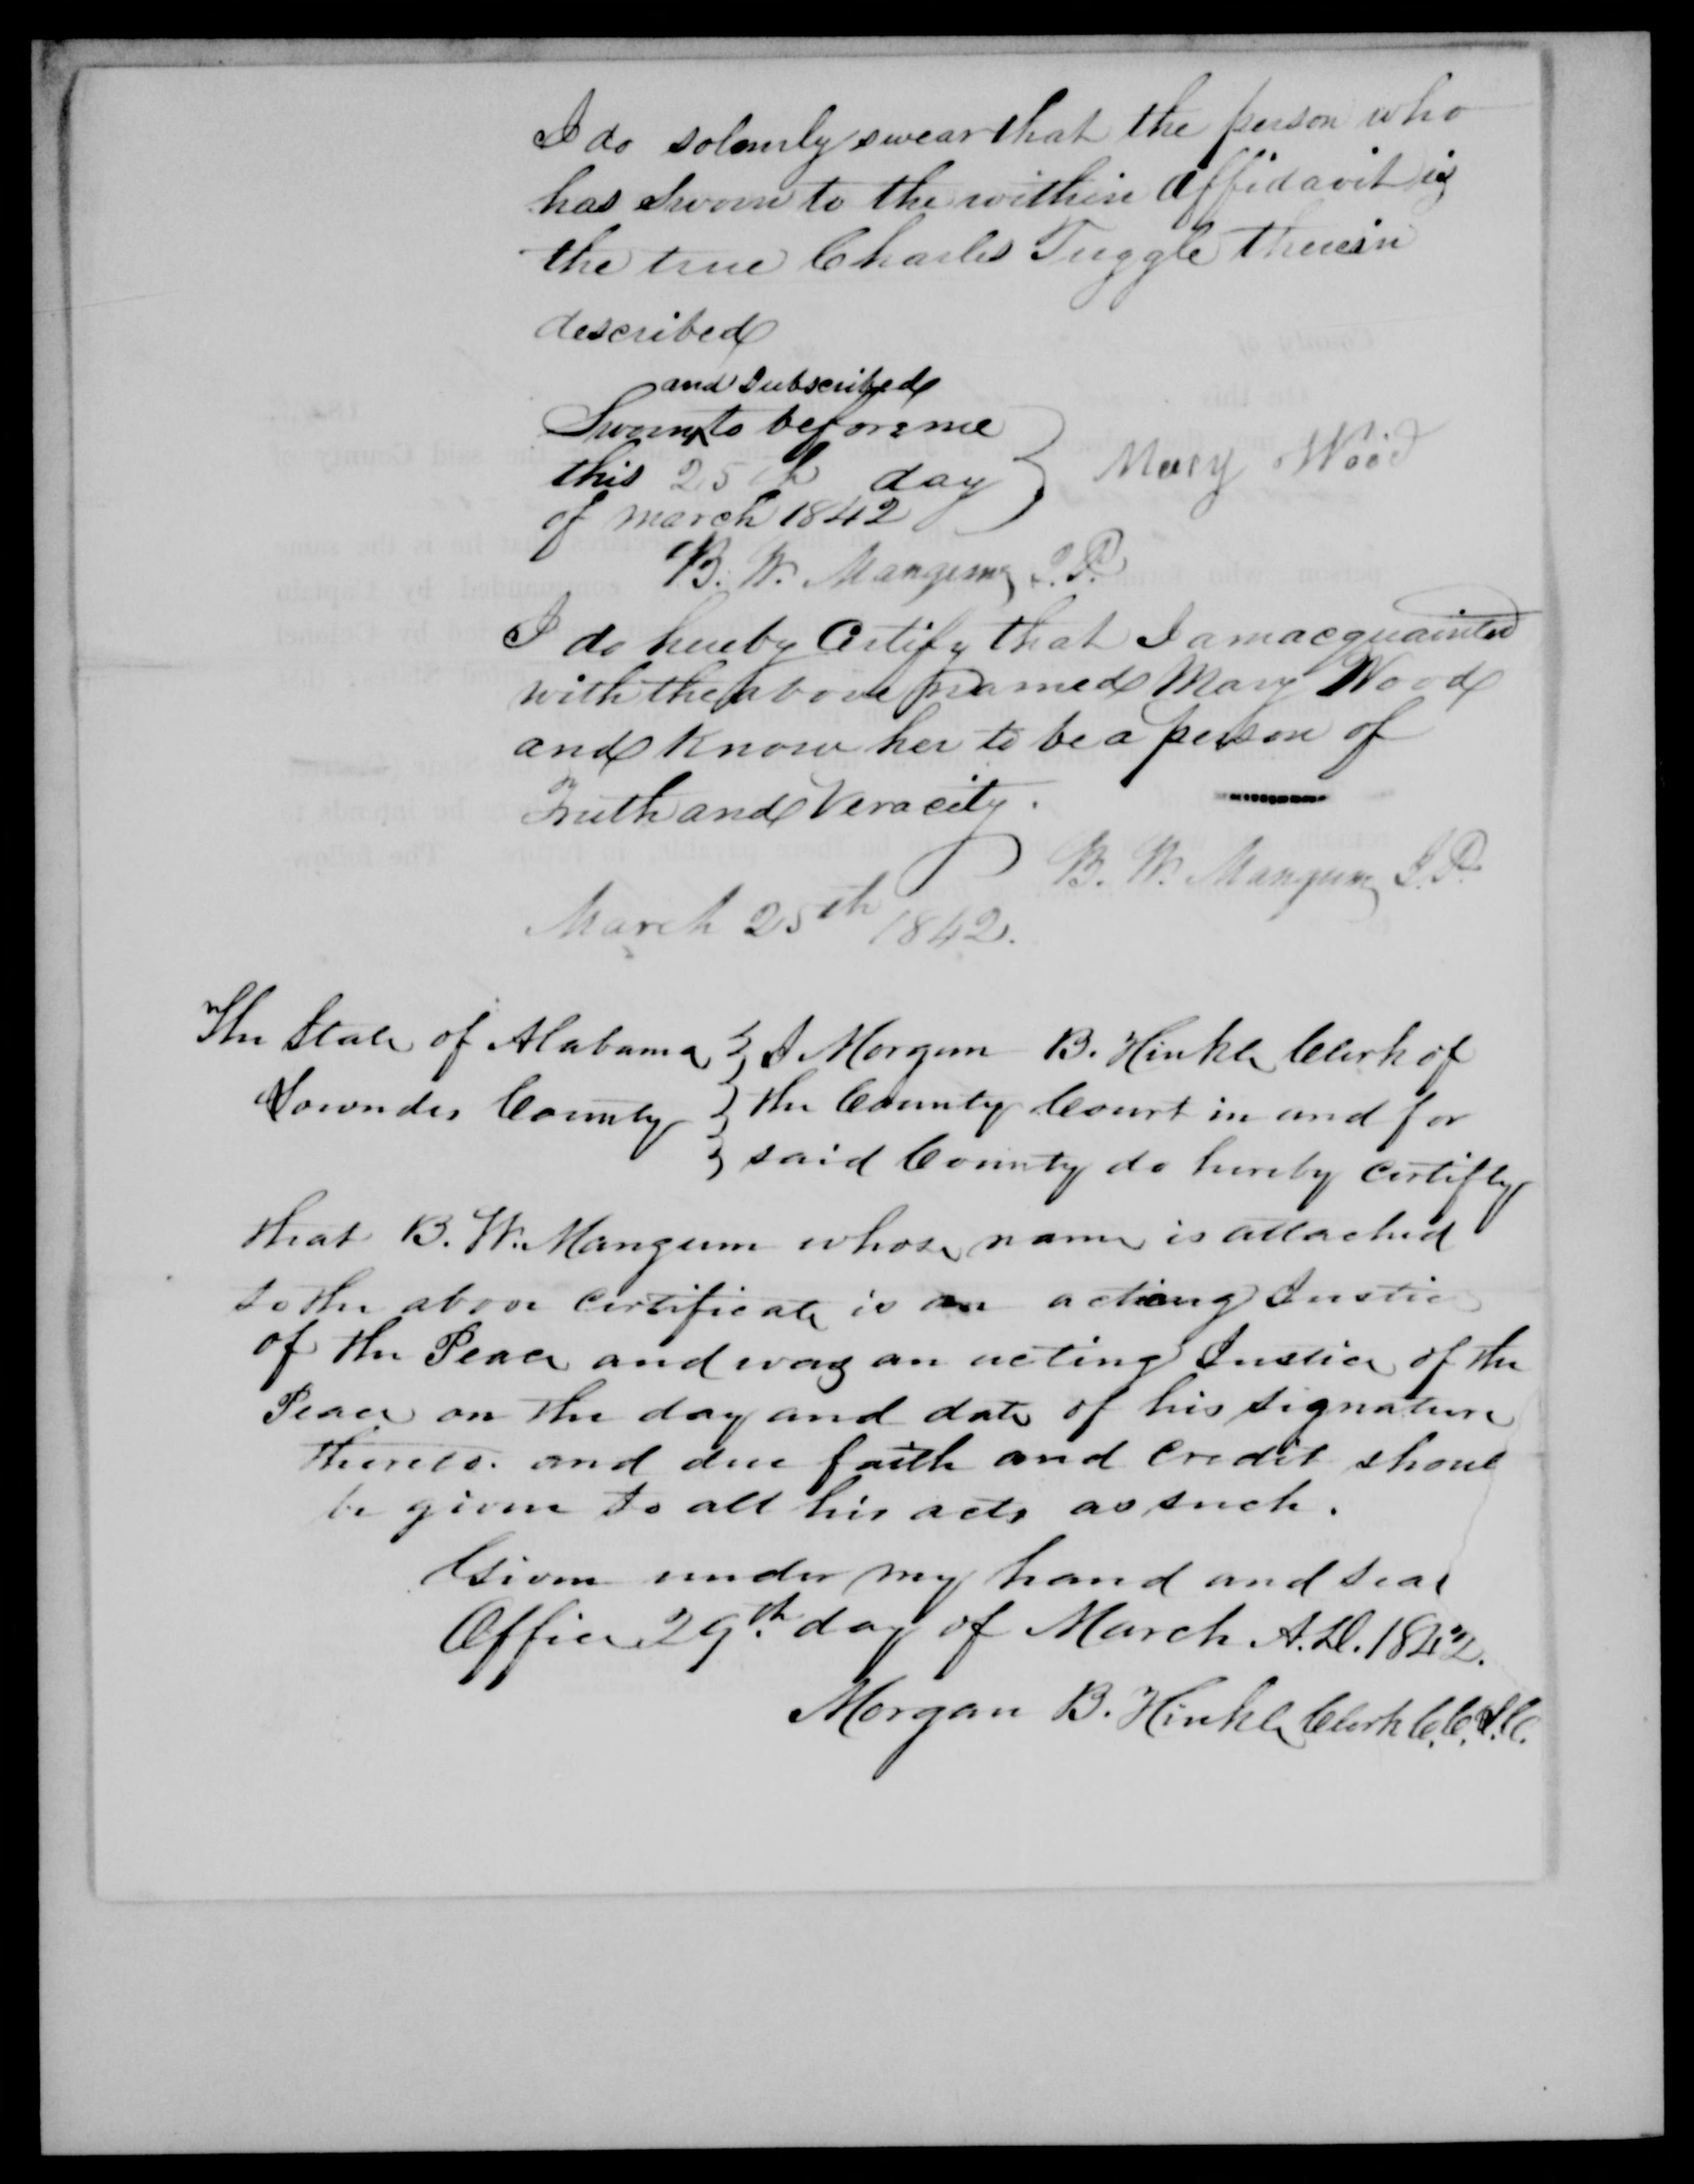I do solemnly swear that the person who
has sworn to the within affidavit is
the true Charles Tuggle therein
described
Sworn and subscribed to before me
this 25th day of March 1842
Mary Wood
B. W. Mangum
I do hereby certify that I am acquainted 
with the above named Mary Wood
and know her to be a person of
Truth and veracity.
B. W. Mangum
March 25th 1842.
The State of Alabama
Loundes County
I Morgan B. Hinkle Clerk of
the County Court in and for
said County do hereby certify
that B. W. Mangum whose name is attached
to the above certificate is an acting Justice
of the Peace and was an acting Justice of the
Peace on the day and date of his signature
thereto and due faith and credit should
be given to all his acts as such.
Given under my hand and seal
Office 29th day of March A.D. 1842.
Morgan B. Hinkle Clerk C.C.A.C.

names: B W Mangum, B W Mangum, Morgan B Hinkle, B W Mangum, Mary Wood, Charles Tuggle, B Hinkle, Mary Wood, J Morgan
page: 4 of 23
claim: survivor's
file: S. 32559, Charles Tuggle, Va.